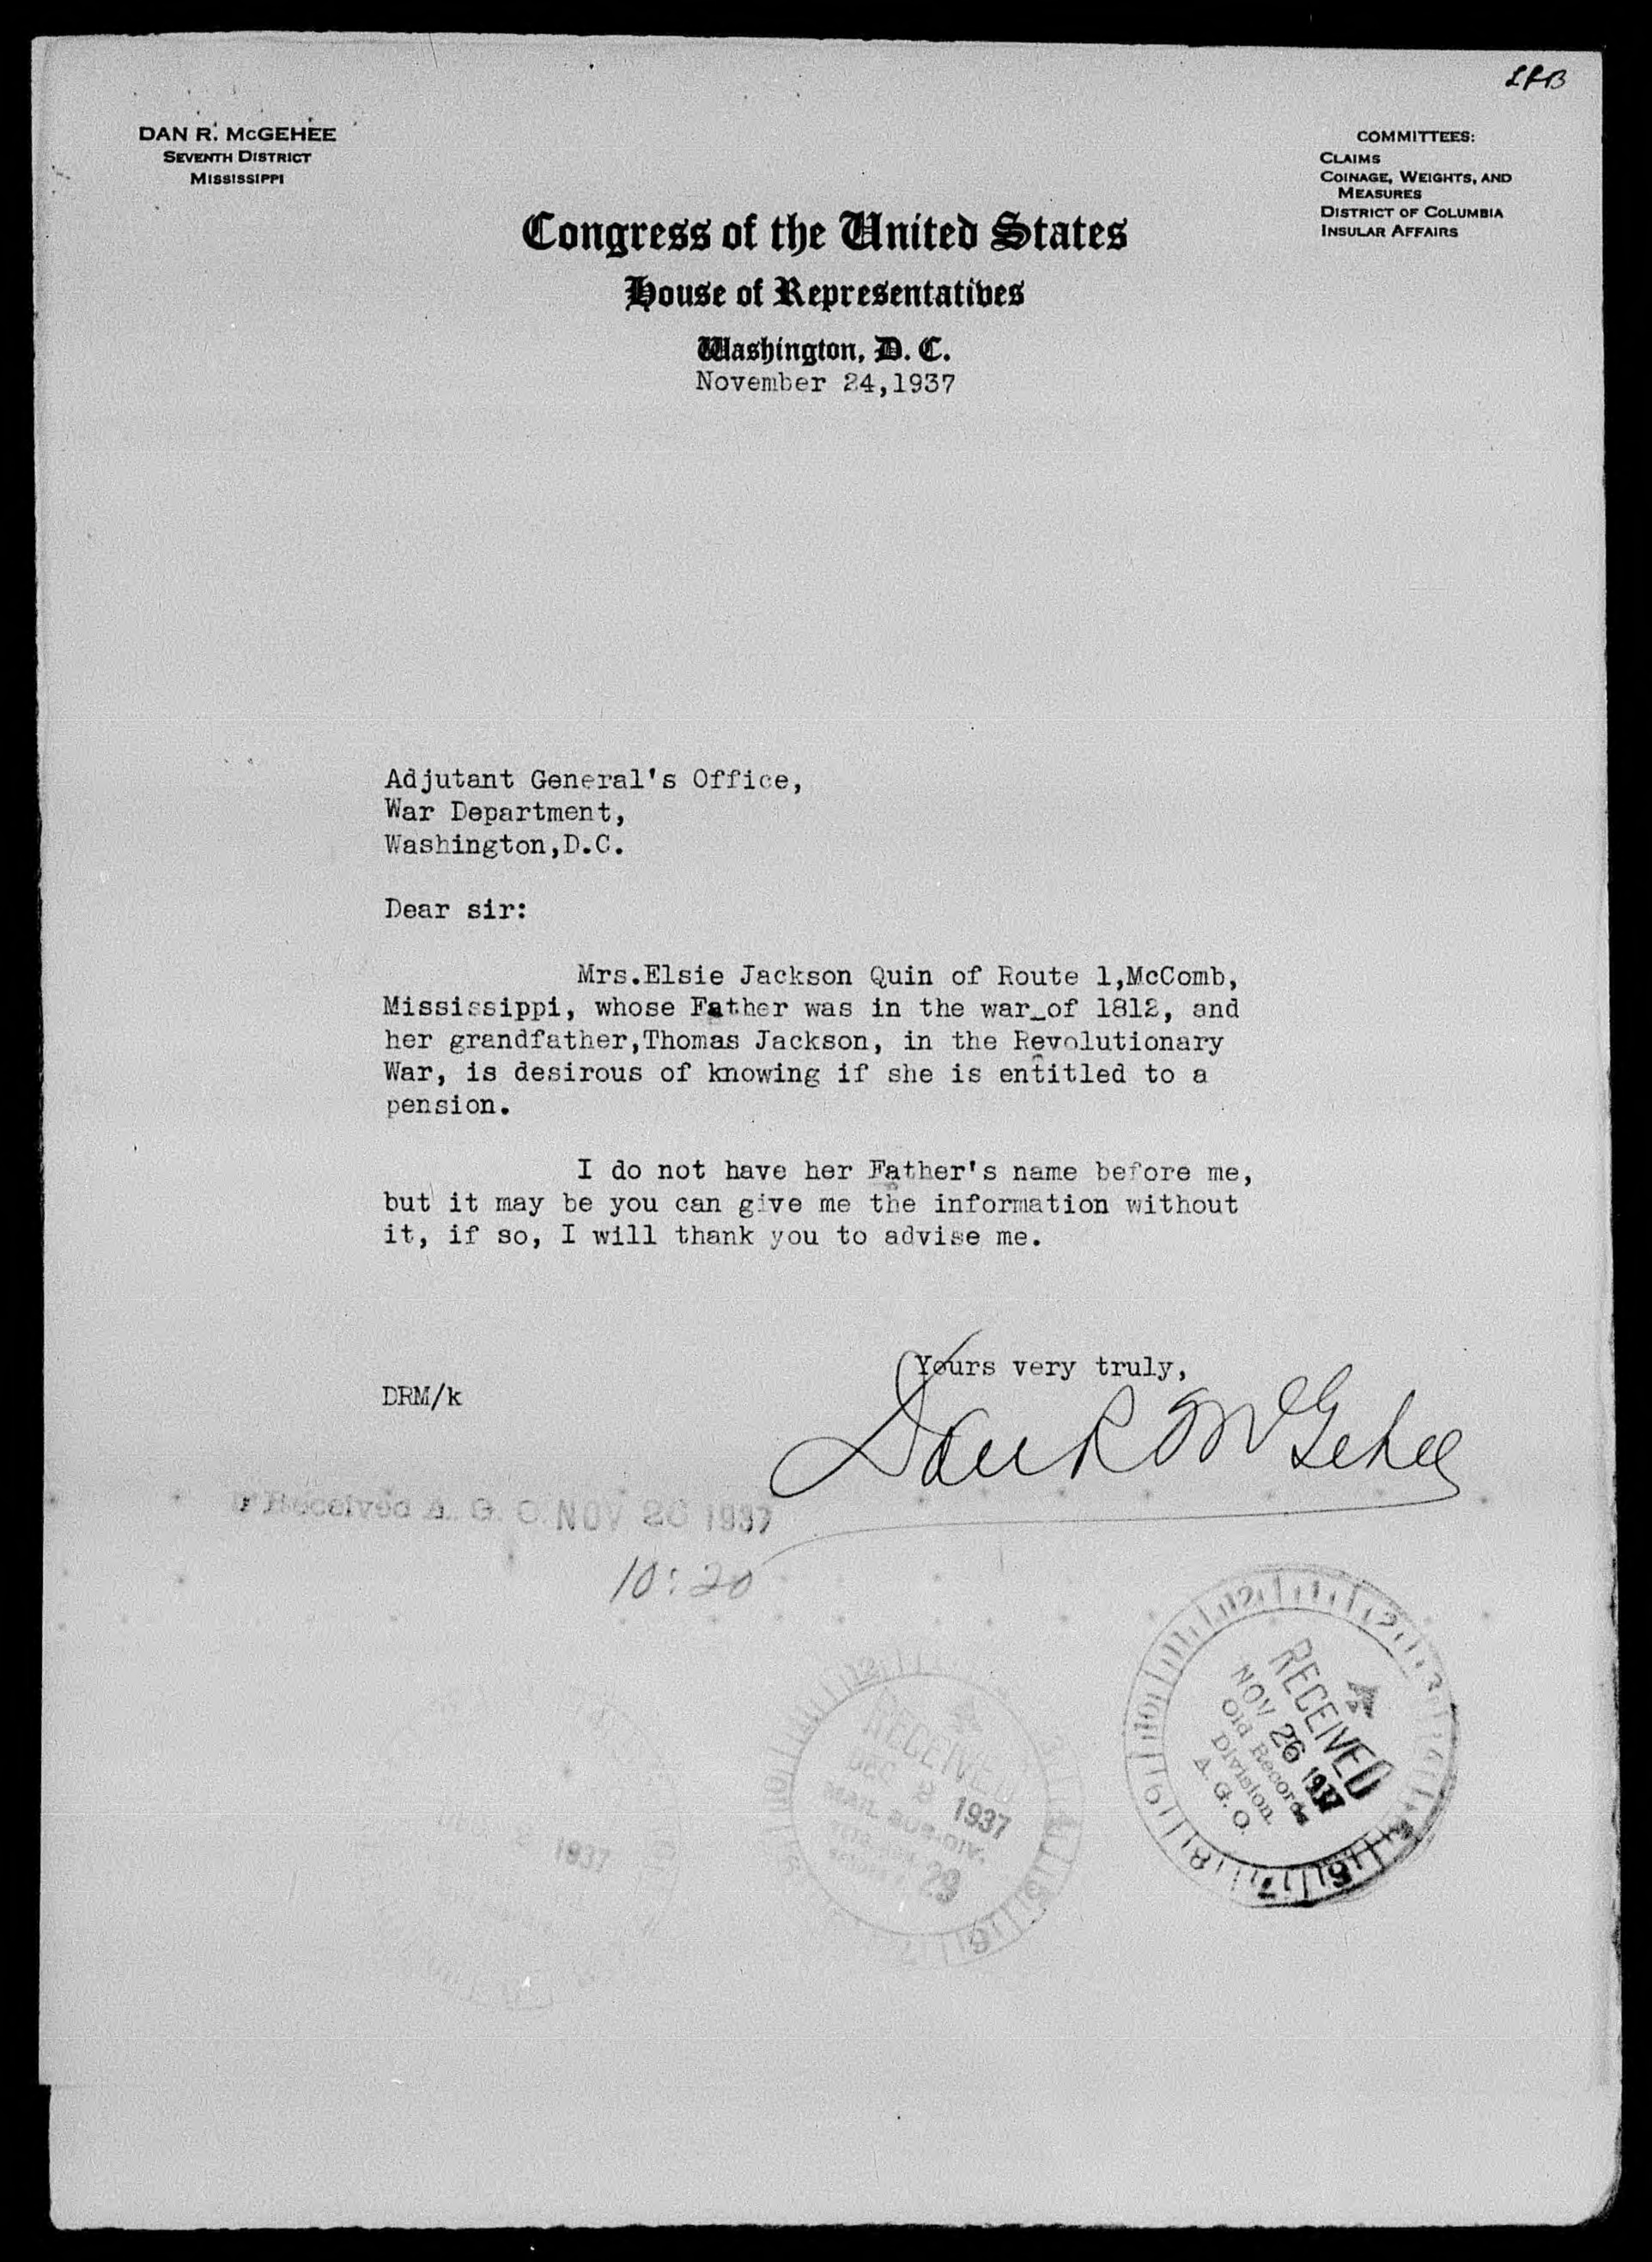Dan R. McGehee
Seventh District
Mississippi

Congress of the United States
house of Representatives
Washington, D.C.
November 24, 1927

Committees: 
Claims
Coinage, Weights and Measures
District of Columbia
Insular Affairs

Adjutant General's Office,
War Department
Washington, D.C.

Dear sir:

Mrs. Elsie Jackson Quin of Route 1, McComb, Mississippi, whose Father was in the war of 1812, and her grandfather, Thomas Jackson, in the Revolutionary War, is desirous of knowing if she is entitled to a pension. 

I do not have her Father's name before me, but it may be you can give me the information without it, if so, I will than you to advise me. 

Yours very truly
Dan. R McGehee

DRM/k

received AGO No 20, 1937 10:20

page: 27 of 54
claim: survivor's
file: S. 31166, for Thomas Jackson, South Carolina